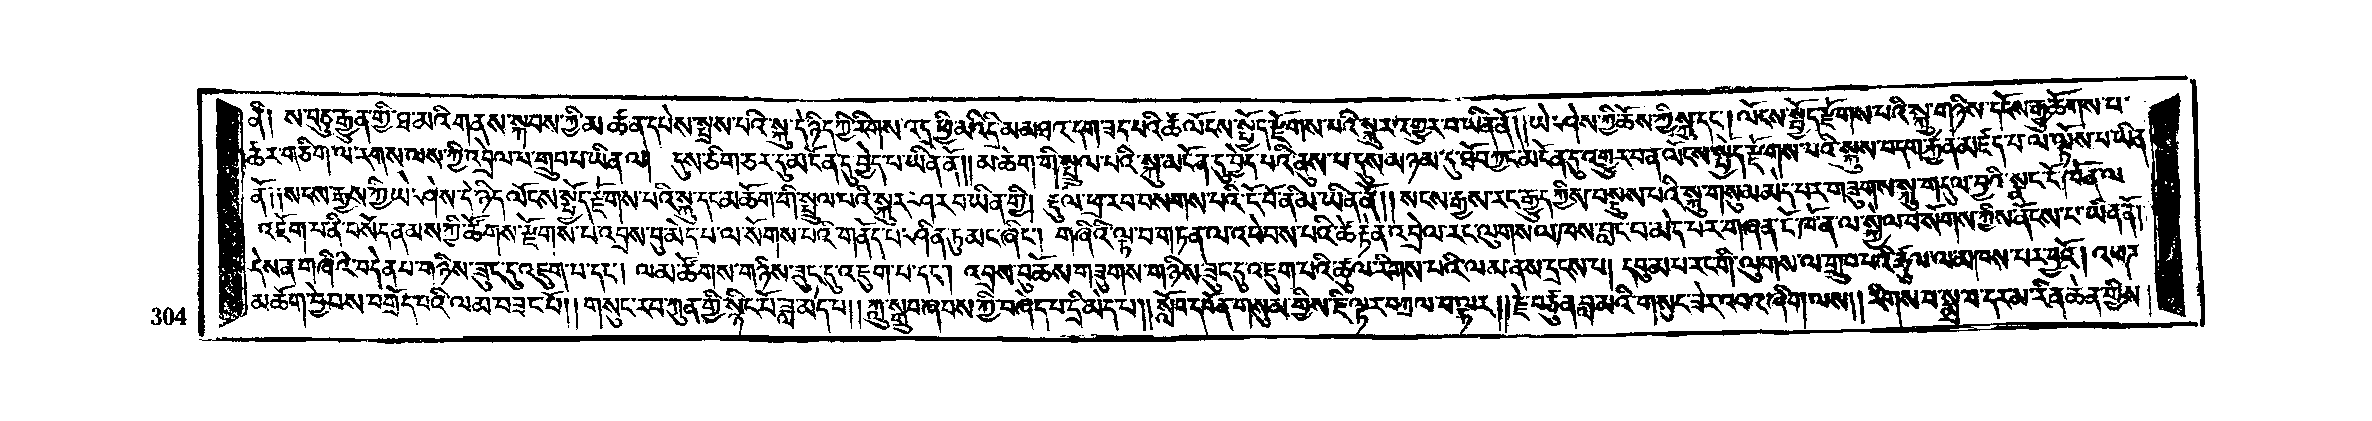ནི། ས་བཅུ་རྒྱུན་གྱི་ཐ་མའི་གནས་སྐབས་ཀྱི་མཚན་དཔེས་སྤྲས་པའི་སྐུ་དེ་ཉིད་ཀྱི་རིགས་འདྲ་ཕྱི་མའི་དྲི་མ་མཐའ་དག་ཟད་པའི་ཚེ་ལོངས་སྤྱོད་རྫོགས་པའི་སྐུར་འགྱུར་བ་ཡིན་ནོ། །ཡེ་ཤེས་ཀྱི་ཆོས་ཀྱི་སྐུ་དང་། ལོངས་སྤྱོད་རྫོགས་པའི་སྐུ་གཉིས་དངོས་རྒྱུ་ཚོགས་པ་
ཚར་གཅིག་ལ་རགས་ལས་ཀྱི་འབྲེལ་པ་གྲུབ་པ་ཡིན་ལ། དུས་ཅིག་ཅར་དུ་མངོན་དུ་བྱེད་པ་ཡིན་ནོ། །མཆོག་གི་སྤྲུལ་པའི་སྐུ་མངོན་དུ་བྱེད་པའི་ནུས་པ་དུས་མཉམ་དུ་ཐོབ་ཀྱང་མངོན་དུ་འགྱུར་བ་ན་ལོངས་སྤྱོད་རྫོགས་པའི་སྐུས་བདག་རྐྱེན་མཛད་པ་ལ་ལྟོས་པ་ཡིན་
ནོ། །སངས་རྒྱས་ཀྱི་ཡེ་ཤེས་དེ་ཉིད་ལོངས་སྤྱོད་རྫོགས་པའི་སྐུ་དང་མཆོག་གི་སྤྲུལ་པའི་སྐུར་ཤར་བ་ཡིན་གྱི། རྡུལ་ཕྲ་རབ་བསགས་པའི་ངོ་བོ་ནི་མ་ཡིན་ནོ། །སངས་རྒྱས་རང་རྒྱུད་ཀྱིས་བསྡུས་པའི་སྐུ་གསུམ་མེད་པར་གཟུགས་སྐུ་གདུལ་བྱའི་སྣང་ངོ་ཁོ་ན་ལ་
འཇོག་པ་ནི་བསོད་ནམས་ཀྱི་ཚོགས་རྫོགས་པ་འབྲས་བུ་མེད་པ་ལ་སོགས་པའི་གནོད་པ་ཤིན་ཏུ་མང་ཞིང་། གཞིའི་ལྟ་བ་གཏན་ལ་འབེབས་པའི་ཚེ་རྟེན་འབྲེལ་རང་ལུགས་ལ་ཁས་བླང་བ་མེད་པར་གཞན་ངོ་ཁོ་ན་ལ་སྐྱེལ་བ་སོགས་ཀྱིས་ནོངས་པ་ཡིན་ནོ། །
དེས་ན་གཞིའི་བདེན་པ་གཉིས་ཟུང་དུ་འཇུག་པ་དང་། ལམ་ཚོགས་གཉིས་ཟུང་དུ་འཇུག་པ་དང་། འབྲས་བུ་ཆོས་གཟུགས་གཉིས་ཟུང་དུ་འཇུག་པའི་ཚུལ་རིགས་པའི་ལམ་ནས་དྲངས་པ། དབུ་མ་པ་རང་གི་ལུགས་ལ་གྲུབ་པའི་ཚུལ་ལ་མཁས་པར་བྱའོ། འཕགས་
མཆོག་བྱེ་བས་བགྲོད་པའི་ལམ་བཟང་པོ། །གསུང་རབ་ཀུན་གྱི་སྙིང་པོ་ཟླ་མེད་པ། །ཀླུ་སྒྲུབ་ཞབས་ཀྱི་བཞེད་པ་དྲི་མེད་པ། །སློབ་དཔོན་གསུམ་གྱིས་ཇི་ལྟར་བཀྲལ་བ་ལྟར། །རྗེ་བཙུན་བླ་མའི་གསུང་ཟེར་འབའ་ཞིག་ལས། །རིགས་པ་སྨྲ་བ་དར་མ་རིན་ཆེན་གྱིས་